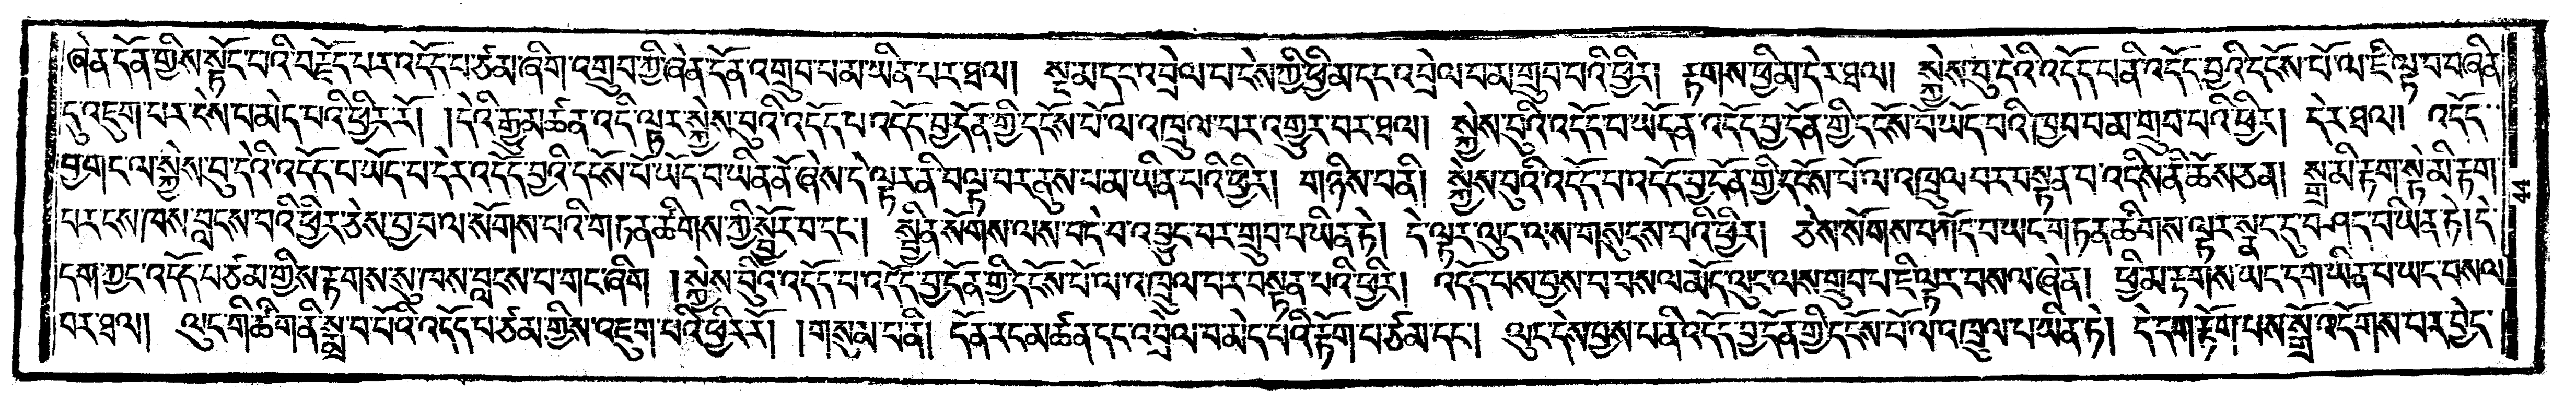ཞེན་དོན་གྱིས་སྟོང་བའི་བརྗོད་པར་འདོད་པ་ཙམ་ཞིག་འགྲུབ་ཀྱི་ཞེན་དོན་འགྲུབ་པ་མ་ཡིན་པར་ཐལ། སྔ་མ་དང་འབྲེལ་པ་ངེས་ཀྱི་ཕྱི་མ་དང་འབྲེལ་བ་མ་གྲུབ་པའི་ཕྱིར། རྟགས་ཕྱི་མ་དེར་ཐལ། སྐྱེས་བུ་དེའི་འདོད་པ་ནི་འདོད་བྱའི་དངོས་པོ་ལ་ཇི་ལྟ་བ་བཞིན་
དུ་འཇུག་པར་ངེས་པ་མེད་པའི་ཕྱིར་རོ། །དེའི་རྒྱུ་མཚན་འདི་ལྟར་སྐྱེས་བུའི་འདོད་པ་འདོད་བྱ་དོན་གྱི་དངོས་པོ་ལ་འཁྲུལ་པར་འགྱུར་བར་ཐལ། སྐྱེས་བུའི་འདོད་པ་ཡོད་ན་འདོད་བྱ་དོན་གྱི་དངོས་པོ་ཡོད་པའི་ཁྱབ་པ་མ་གྲུབ་པའི་ཕྱིར། དེར་ཐལ། འདོད་
བྱ་གང་ལ་སྐྱེས་བུ་དེའི་འདོད་པ་ཡོད་པ་དེར་འདོད་བྱའི་དངོས་པོ་ཡོད་པ་ཡིན་ནོ་ཞེས་དེ་ལྟར་ནི་བལྟ་བར་ནུས་པ་མ་ཡིན་པའི་ཕྱིར། གཉིས་པ་ནི། སྐྱེས་བུའི་འདོད་པ་འདོད་བྱ་དོན་གྱི་དངོས་པོ་ལ་འཁྲུལ་བར་བསྟན་པ་འདིས་ནི་ཆོས་ཅན། སྒྲ་མི་རྟག་སྟེ་མི་རྟག་
པར་ངས་ཁས་བླངས་བའི་ཕྱིར་ཅེས་བྱ་བ་ལ་སོགས་པའི་གཏན་ཚིགས་ཀྱི་སྦྱོར་བ་དང་། སྦྱིན་སོགས་ལས་བདེ་བ་འབྱུང་བར་གྲུབ་པ་ཡིན་ཏེ། དེ་ལྟར་ལུང་ལས་གསུངས་པའི་ཕྱིར། ཅེས་སོགས་བཀོད་པ་ཡང་གཏན་ཚིགས་ལྟར་སྣང་དུ་བཤད་པ་ཡིན་ཏེ། དེ་
དག་ཀྱང་འདོད་པ་ཙམ་གྱིས་རྟགས་སུ་ཁས་བླངས་པ་གང་ཞིག །སྐྱེས་བུའི་འདོད་པ་འདོད་བྱ་དོན་གྱི་དངོས་པོ་ལ་འཁྲུལ་བར་བསྟན་པའི་ཕྱིར། འདོད་པས་བྱས་པ་བསལ་མོད་ལུང་ལས་གྲུབ་པ་ཇི་ལྟར་བསལ་ཞེ་ན། ཕྱི་མ་རྟགས་ཡང་དག་ཡིན་པ་ཡང་བསལ་
བར་ཐལ། ལུང་གི་ཚིག་ནི་སྨྲ་བ་པོའི་འདོད་པ་ཙམ་གྱིས་འཇུག་པའི་ཕྱིར་རོ། །གསུམ་པ་ནི། དོན་རང་མཚན་དང་འབྲེལ་བ་མེད་པའི་རྟོག་པ་ཙམ་དང་། ལུང་དེས་བྱས་པ་ནི་འདོད་བྱ་དོན་གྱི་དངོས་པོ་ལ་འཁྲུལ་པ་ཡིན་ཏེ། དེ་དག་རྟོག་པས་སྒྲོ་འདོགས་པར་བྱེད་